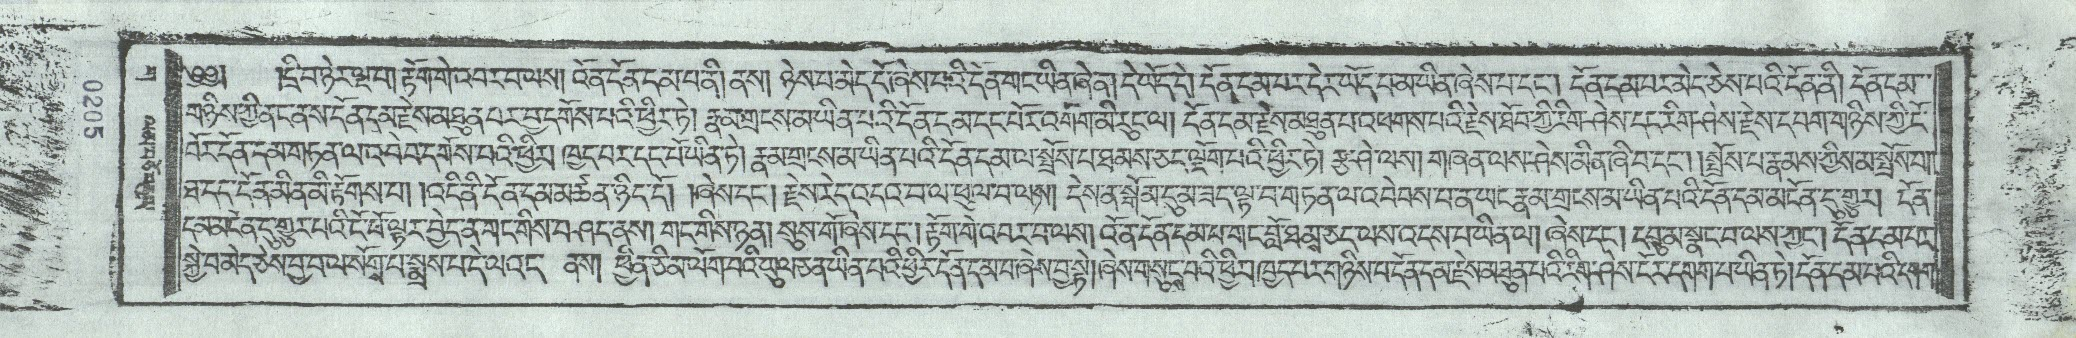༄༅། །དྲི་བ་ཉེར་ལྔ་པ། རྟོག་གེ་འབར་བ་ལས། འོ་ན་དོན་དམ་པ་ནི། ནས། ཉེས་པ་མེད་དོ་ཞེས་པའི་དོན་གང་ཡིན་ཞེ་ན། དེ་ཡོད་དེ། དོན་དམ་པར་དེར་ཡོད་པ་མ་ཡིན་ཞེས་པ་དང་། དོན་དམ་པར་མེད་ཅེས་པའི་དོན་ནི། དོན་དམ་
གཉིས་ཀྱི་ནང་ནས་དོན་དམ་རྗེས་མཐུན་པར་བྱ་དགོས་པའི་ཕྱིར་ཏེ། རྣམ་གྲངས་མ་ཡིན་པའི་དོན་དམ་དང་པོར་འགོག་མི་རུང་ལ། དོན་དམ་རྗེས་མཐུན་པ་འཕགས་པའི་རྗེས་ཐོབ་ཀྱི་རིག་ཤེས་དང་རིག་ཤེས་རྗེས་དཔག་གཉིས་ཀྱི་ངོ་
བོར་དོན་དམ་གཏན་ལ་འབེབ་དགོས་པའི་ཕྱིར། ཁྱད་པར་དང་པོ་ཡིན་ཏེ། རྣམ་གྲངས་མ་ཡིན་པའི་དོན་དམ་ལ་སྤྲོས་པ་ཐམས་ཅད་ལྡོག་པའི་ཕྱིར་ཏེ། རྩ་ཤེ་ལས། གཞན་ལས་ཤེས་མིན་ཞི་བ་དང་། །སྤྲོས་པ་རྣམས་ཀྱིས་མ་སྤྲོས་པ།
ཐ་དད་དོན་མིན་མི་རྟོགས་པ། །འདི་ནི་དོན་དམ་མཚན་ཉིད་དོ། །ཞེས་དང་། རྗེས་རེད་འདའ་བ་ལ་ཕུལ་བ་ལས། དེས་ན་སྒོམ་དུ་མ་ཟད་ལྟ་བ་གཏན་ལ་འབེབས་པ་ན་ཡང་རྣམ་གྲངས་མ་ཡིན་པའི་དོན་དམ་མངོན་དུ་གྱུར། དོན་
དམ་མངོན་དུ་གྱུར་པའི་ངོ་བོ་ལྟར་བྱེད་ན་གང་གིས་བཤད་ནས། གང་གིས་ཉན། སུས་གོ་ཞེས་དང་། རྟོག་གེ་འབར་བ་ལས། འོ་ན་དོན་དམ་པ་གང་བློ་ཐམས་ཅད་ལས་འདས་པ་ཡིན་ལ། ཞེས་དང་། དབུ་མ་སྣང་བ་ལས་ཀྱང་། དོན་དམ་པར་
སྐྱེ་བ་མེད་ཅེས་བྱ་བ་ལ་སོགས་པ་སྨྲས་པ་དེ་ལའང་ནས། ཕྱིན་ཅི་མ་ལོག་པའི་ཡུལ་ཅན་ཡིན་པའི་ཕྱིར་དོན་དམ་པ་ཞེས་བྱ་སྟེ། ཞེས་གསུངས་པའི་ཕྱིར། ཁྱད་པར་གཉིས་པ་དོན་དམ་རྗེས་མཐུན་པའི་རིག་ཤེས་ངོར་དགག་པ་ཡིན་ཏེ། དོན་དམ་པའི་དགག་